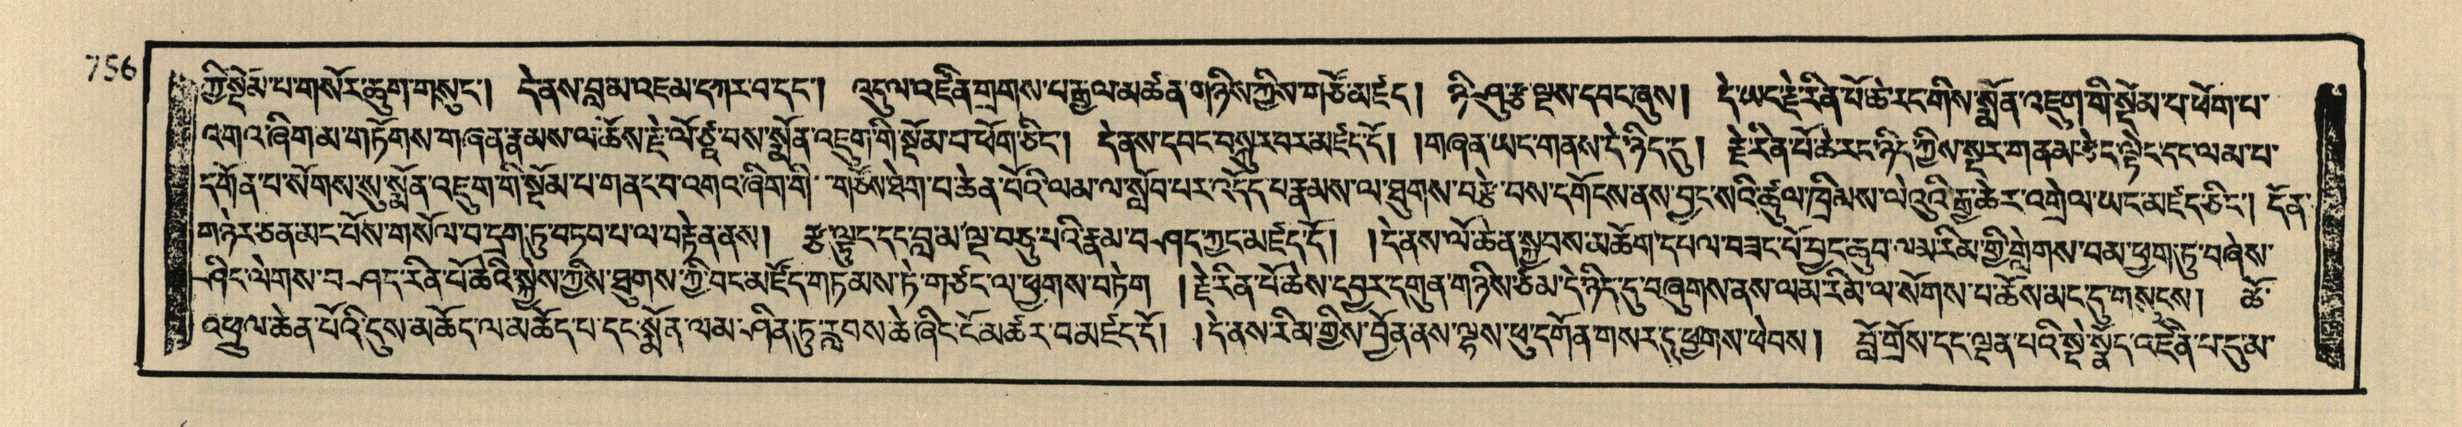ཀྱི་སྡོམ་པ་གསོར་ཆུག་གསུང་། དེ་ནས་བླ་མ་འཇམ་དཀར་བ་དང་། འདུལ་འཛིན་གྲགས་པ་རྒྱལ་མཚན་གཉིས་ཀྱིས་གཙོ་མཛད། ཉི་ཤུ་རྩ་ལྔས་དབང་ཞུས། དེ་ཡང་རྗེ་རིན་པོ་ཆེ་རང་གིས་སྨོན་འཇུག་གི་སྡོམ་པ་ཕོག་པ་
འགའ་ཞིག་མ་གཏོགས་གཞན་རྣམས་ལ་ཆོས་རྗེ་ལོ་ཙཱ་བས་སྨོན་འཇུག་གི་སྡོམ་པ་ཕོག་ཅིང་། དེ་ནས་དབང་བསྐུར་བར་མཛད་དོ། །གཞན་ཡང་གནས་དེ་ཉིད་དུ། རྗེ་རིན་པོ་ཆེ་རང་ཉིད་ཀྱིས་སྔར་གནམ་རྩེང་ལྟེང་དང་ལམ་པ་
དགོན་པ་སོགས་སུ་སྨོན་འཇུག་གི་སྡོམ་པ་གནང་བ་འགའ་ཞིག་གི་གཙོས་ཐེག་པ་ཆེན་པོའི་ལམ་ལ་སློབ་པར་འདོད་པ་རྣམས་ལ་ཐུགས་བརྩེ་བས་དགོངས་ནས་བྱང་སའི་ཚུལ་ཁྲིམས་ལེའུའི་རྒྱ་ཆེར་འགྲེལ་ཡང་མཛད་ཅིང་། དོན་
གཉེར་ཅན་མང་པོས་གསོལ་བ་དྲག་ཏུ་བཏབ་པ་ལ་བརྟེན་ནས། རྩ་ལྟུང་དང་བླ་མ་ལྔ་བཅུ་པའི་རྣམ་བཤད་ཀྱང་མཛད་དོ། །དེ་ནས་ལོ་ཆེན་སྐྱབས་མཆོག་དཔལ་བཟང་པོ་བྱང་ཆུབ་ལམ་རིམ་གྱི་གླེགས་བམ་ཕྱག་ཏུ་བཞེས་
ཤིང་ལེགས་བཤད་རིན་པོ་ཆེའི་སྐྱེས་ཀྱིས་ཐུགས་ཀྱི་བང་མཛོད་གཏམས་ཏེ་གཙང་ལ་ཕྱགས་བཏེག །རྗེ་རིན་པོ་ཆེས་དབྱར་དགུན་གཉིས་ཙམ་དེ་ཉིད་དུ་བཞུགས་ནས་ལམ་རིམ་ལ་སོགས་པ་ཆོས་མང་དུ་གསུངས། ཆོ་
འཕྲུལ་ཆེན་པོའི་དུས་མཆོད་ལ་མཆོད་པ་དང་སྨོན་ལམ་ཤིན་ཏུ་རླབས་ཆེ་ཞིང་ངོ་མཚར་བ་མཛད་དོ། །དེ་ནས་རིམ་གྱིས་བྱོན་ནས་ལྷས་ཕུ་དགོན་གསར་དུ་ཕྱགས་ཕེབས། བློ་གྲོས་དང་ལྡན་པའི་སྡེ་སྣོད་འཛིན་པ་དུ་མ་